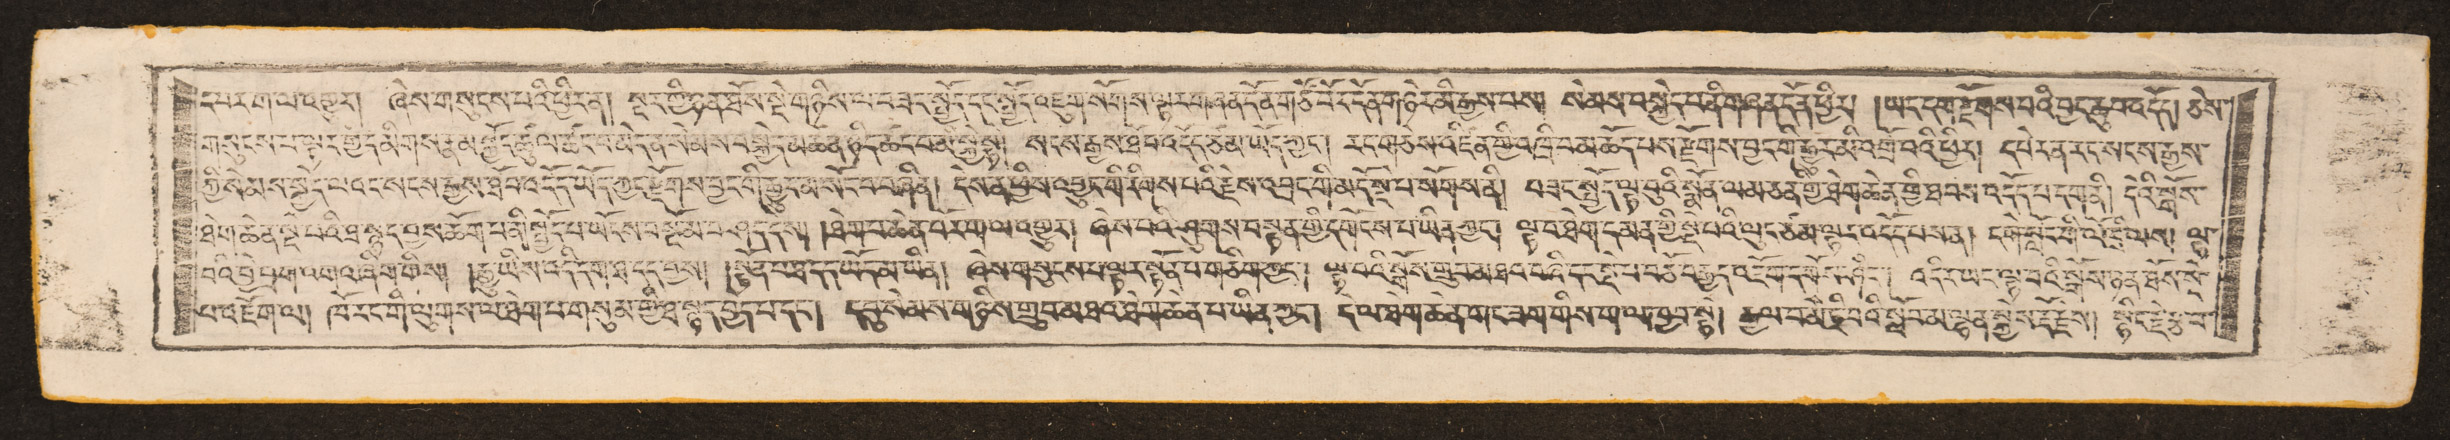དཔར་ག་ལ་འགྱུར། ཞེས་གསུངས་པའི་ཕྱིར་ན། སྔར་གྱི་ཉན་ཐོས་སྡེ་གཉིས་ལ་བཟང་སྤྱོད་དང་སྤྱོད་འཇུག་སོགས་ལྟར་གཞན་དོན་གཙོ་བོར་དོན་གཉེར་མི་རྒྱས་པས། སེམས་བསྐྱེད་པ་ནི་གཞན་དོན་ཕྱིར། །ཡང་དག་རྫོགས་པའི་བྱང་ཆུབ་འདོད། ཅེས་
གསུངས་པ་ལྟར་གྱི་དམིགས་རྣམ་སྐྱོང་ཚུལ་ཚང་བ་མེད་ན་སེམས་བསྐྱེད་མཚན་ཉིད་ཚང་བ་མི་སྐྱེ་སྟེ། སངས་རྒྱས་ཐོབ་འདོད་ཙམ་ཡོད་ཀྱང་། རང་གཅེས་འཛིན་གྱི་འཁྲི་བམ་ཆོད་པས་རྫོགས་བྱང་གི་རྒྱུར་མི་འགྲོ་བའི་ཕྱིར། དཔེར་ན་རང་སངས་རྒྱས་
ཀྱི་སེམས་སྐྱེད་ལའང་སངས་རྒྱས་ཐོབ་འདོད་ཡོད་ཀྱང་རྫོགས་བྱང་གི་རྒྱུར་མ་སོང་བ་བཞིན། དེས་ན་ཕྱིས་འབྱུང་གི་རིགས་པའི་རྗེས་འབྲང་གི་མདོ་སྡེ་པ་སོགས་ནི། བཟང་སྤྱོད་ལྟ་བུའི་སྨོན་ལམ་ཅན་གྱི་ཐེག་ཆེན་གྱི་ཐབས་འདོད་བདག་ནི། དེའི་སྒོས་
ཐེག་ཆེན་སྡེ་པའི་ཐ་སྙད་བྱས་ཆོག་པ་ནི། སྤྱོད་པ་ཡོངས་བསྔོ་མ་བཤད་དས། །ཐེག་པ་ཆེན་པོར་གལ་འགྱུར། ཞེས་པའི་ཤུགས་བསྟན་གྱི་དགོངས་པ་ཡིན་ཀྱང་། ལྟ་བ་ཐེག་དམན་གྱི་སྡེ་པའི་ལུང་ཙམ་ལྟར་འདོད་པས་ན། དགེ་སློང་གི་ལོ་དྲི་ལས། ལྟ་
པའི་བྱེ་བྲག་འགའ་ཞིག་གིས། །རྒྱུ་ཡིས་འདི་དག་ཐ་དང་བྱས། །སྟོན་པ་ཐ་དད་ཡོད་མ་ཡིན། ཞེས་གསུངས་པ་ལྟར་སྟོན་པ་གཅིག་ཀྱང་། ལྟ་བའི་སྒོས་གྲུབ་མཐའ་བཞི་དང་སྡེ་པ་བཅོ་བརྒྱད་འཇོག་དགོས་ཤིང་། འདིར་ཡང་ལྟ་བའི་སྒོས་ཉན་ཐོས་སྡེ་
པ་འཇོག་ལ། ཁོ་རང་གི་ལུགས་ལ་ཐེག་པ་གསུམ་གྱི་ཐ་སྙད་བྱེད་པ་དང་། དབུ་སེམས་གཉིས་གྲུབ་མཐའ་ཐེག་ཆེན་པ་ཡིན་ཀྱང་། དེ་ལ་ཐེག་ཆེན་གང་ཟག་གིས་ག་ལ་ཁྱབ་སྟེ། རྒྱལ་བ་མེ་ཏྲི་བའི་སློབ་མ་ལྷན་སྐྱེས་རྡོ་རྗེས། སྙིང་རྗེ་རྩ་བ་